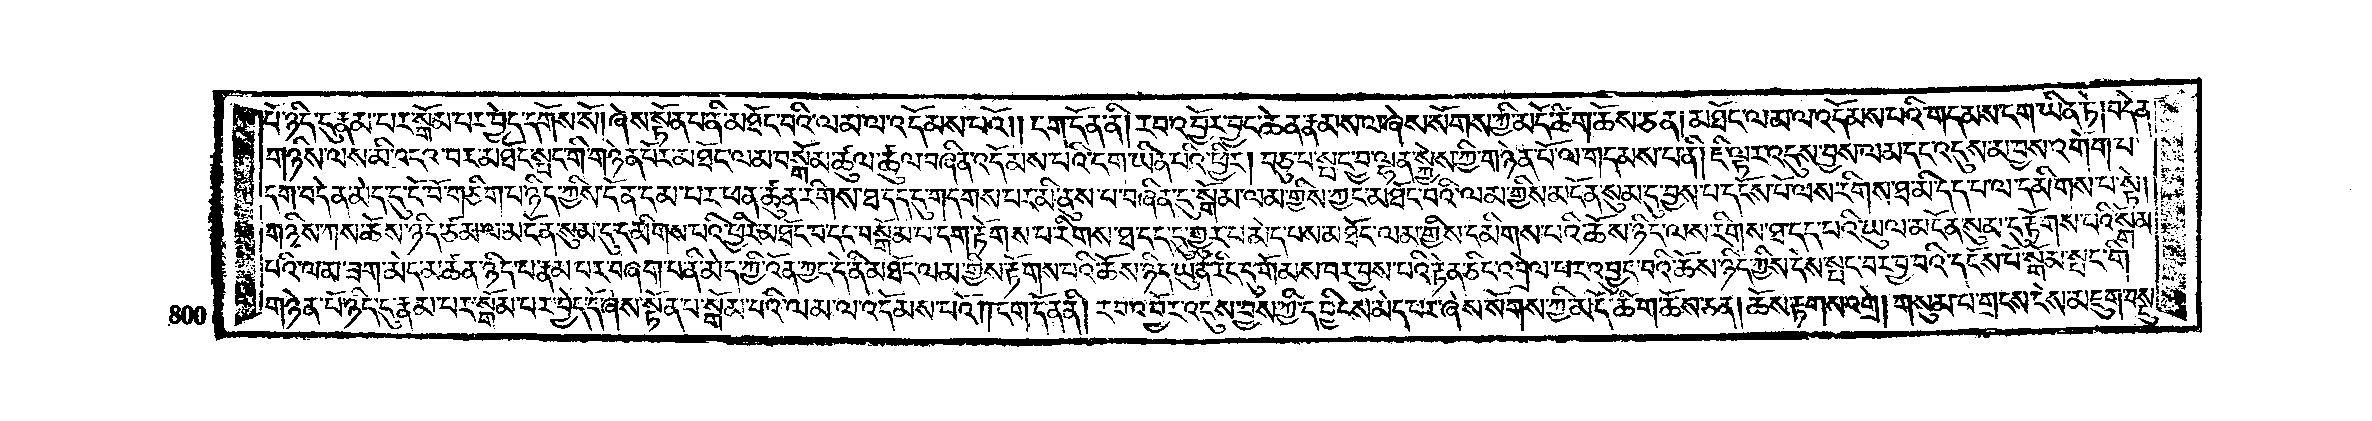པོ་ཉིད་དུ་རྣམ་པར་སྒོམ་པར་བྱེད་དགོས་སོ། ཞེས་སྟོན་པ་ནི་མཐོང་བའི་ལམ་ལ་འདོམས་པའོ། །ངག་དོན་ནི། རབ་འབྱོར་བྱང་ཆེན་རྣམས་ལ་ཞེས་སོགས་ཀྱི་མདོ་ཚིག་ཆོས་ཅན། མཐོང་ལམ་ལ་འདོམས་པའི་གདམས་ངག་ཡིན་ཏེ། བདེན་
གཉིས་ལས་མི་འདའ་བར་མཐོང་སྤང་གི་གཉེན་པོར་མཐོང་ལམ་བསྒོམ་ཚུལ་ཚུལ་བཞིན་འདོམས་པའི་ངག་ཡིན་པའི་ཕྱིར། བཅུ་པ་སྤང་བྱ་ལྷན་སྐྱེས་ཀྱི་གཉེན་པོ་ལ་གདམས་པ་ནི། ཇི་ལྟར་འདུས་བྱས་ལམ་དང་འདུས་མ་བྱས་འགོག་པ་
དག་བདེན་མེད་དུ་ངོ་བོ་གཅིག་པ་ཉིད་ཀྱིས་དོན་དམ་པར་ཕན་ཚུན་རིགས་ཐ་དད་དུ་གདགས་པར་མི་ནུས་པ་བཞིན་དུ་སྒོམ་ལམ་གྱིས་ཀྱང་མཐོང་བའི་ལམ་གྱིས་མངོན་སུམ་དུ་བྱས་པ་དངོས་པོ་ལས་རིགས་ཐ་མི་དད་པ་ལ་དམིགས་པ་སྟེ།
གཉིས་ཀས་ཆོས་ཉིད་ཙམ་ལ་མངོན་སུམ་དུ་དམིགས་པའི་ཕྱིར་མཐོང་བ་དང་བསྒོམ་པ་དག་རྟོགས་པ་རིགས་ཐ་དད་དུ་གྱུར་པ་མེད་པས་མཐོང་ལམ་གྱིས་དམིགས་པའི་ཆོས་ཉིད་ལས་རིགས་ཐ་དད་པའི་ཡུལ་མངོན་སུམ་དུ་རྟོགས་པའི་སྒོམ་
པའི་ལམ་ཟག་མེད་མཚན་ཉིད་པ་རྣམ་པར་བཞག་པ་ནི་མེད་ཀྱི་འོན་ཀྱང་དེ་ནི་མཐོང་ལམ་གྱིས་རྟོགས་པའི་ཆོས་ཉིད་ཡུན་རིང་དུ་གོམས་བར་བྱས་པའི་རྟེན་ཅིང་འབྲེལ་པར་འབྱུང་བའི་ཆོས་ཉིད་ཀྱིས་དེས་སྤང་བར་བྱ་བའི་དངོས་པོ་སྒོམ་སྤང་གི་
གཉེན་པོ་ཉིད་དུ་རྣམ་པར་སྒོམ་པར་བྱེད་དོ་ཞེས་སྟོན་པ་སྒོམ་པའི་ལམ་ལ་འདོམས་པའོ། །ངག་དོན་ནི། རབ་འབྱོར་འདུས་བྱས་ཀྱི་དབྱིངས་མེད་པར་ཞེས་སོགས་ཀྱི་མདོ་ཚིག་ཆོས་ཅན། ཆོས་རྟགས་འགྲེ། གསུམ་པ་གྲངས་ངེས་མཇུག་བསྡུ་